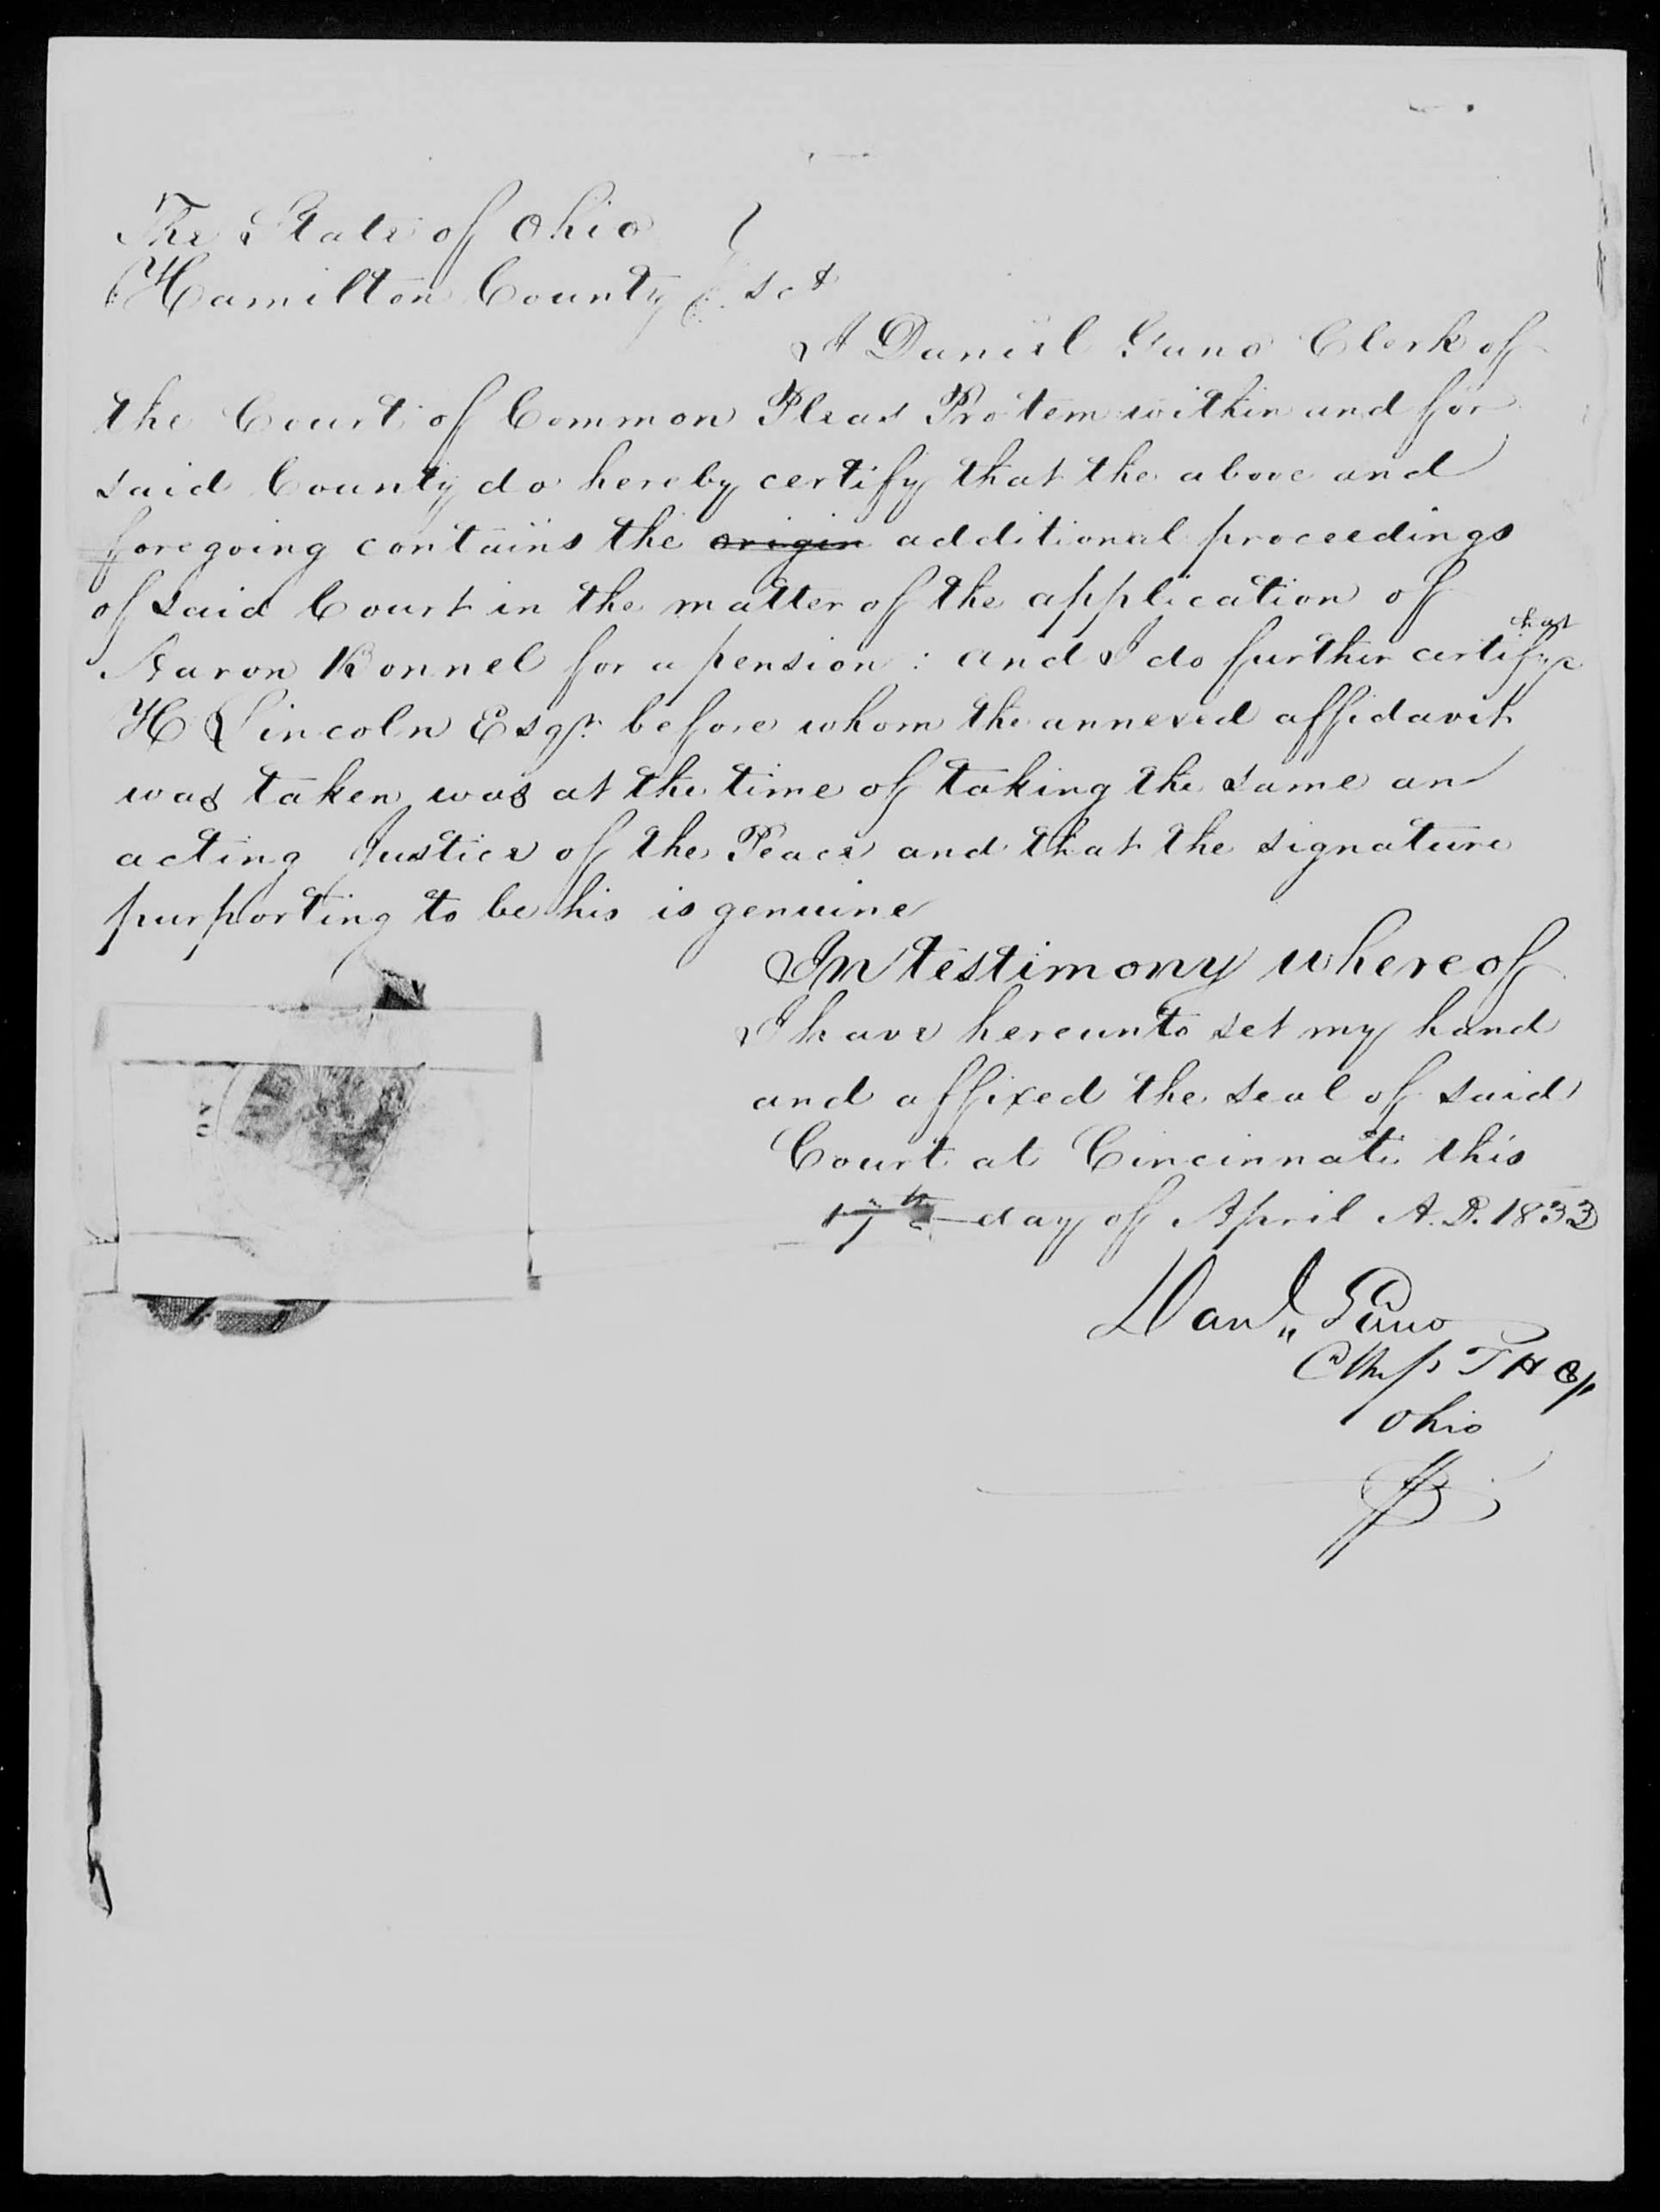The State of Ohio
Hamilton County }Sct
I Daniel Gano Clerk of the Court of Common Pleas Pro Tem within and for said County do hereby certify that the above and foregoing contains the additional proceedings of said court in the matter of the application of Aaron Bonnel for a pension, and I do further certify that H Lincoln Esqr before whom the annexed affidavit was taken was at the time of taking the same and acting Justice of the Peace and that the signature purporting to be his is genuine.
In testimony whereof
I have hereunto set my hand and affixed the seal of said court at Cincinnati this 17th day of April AD 1833
Danl Gano
Clk P.T HCP
Ohio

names: Danl Gano, Daniel Gano, H Lincoln, Aaron Bonnel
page: 42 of 67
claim: rejected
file: R. 1009, Aaron Bonnel, New Jersey